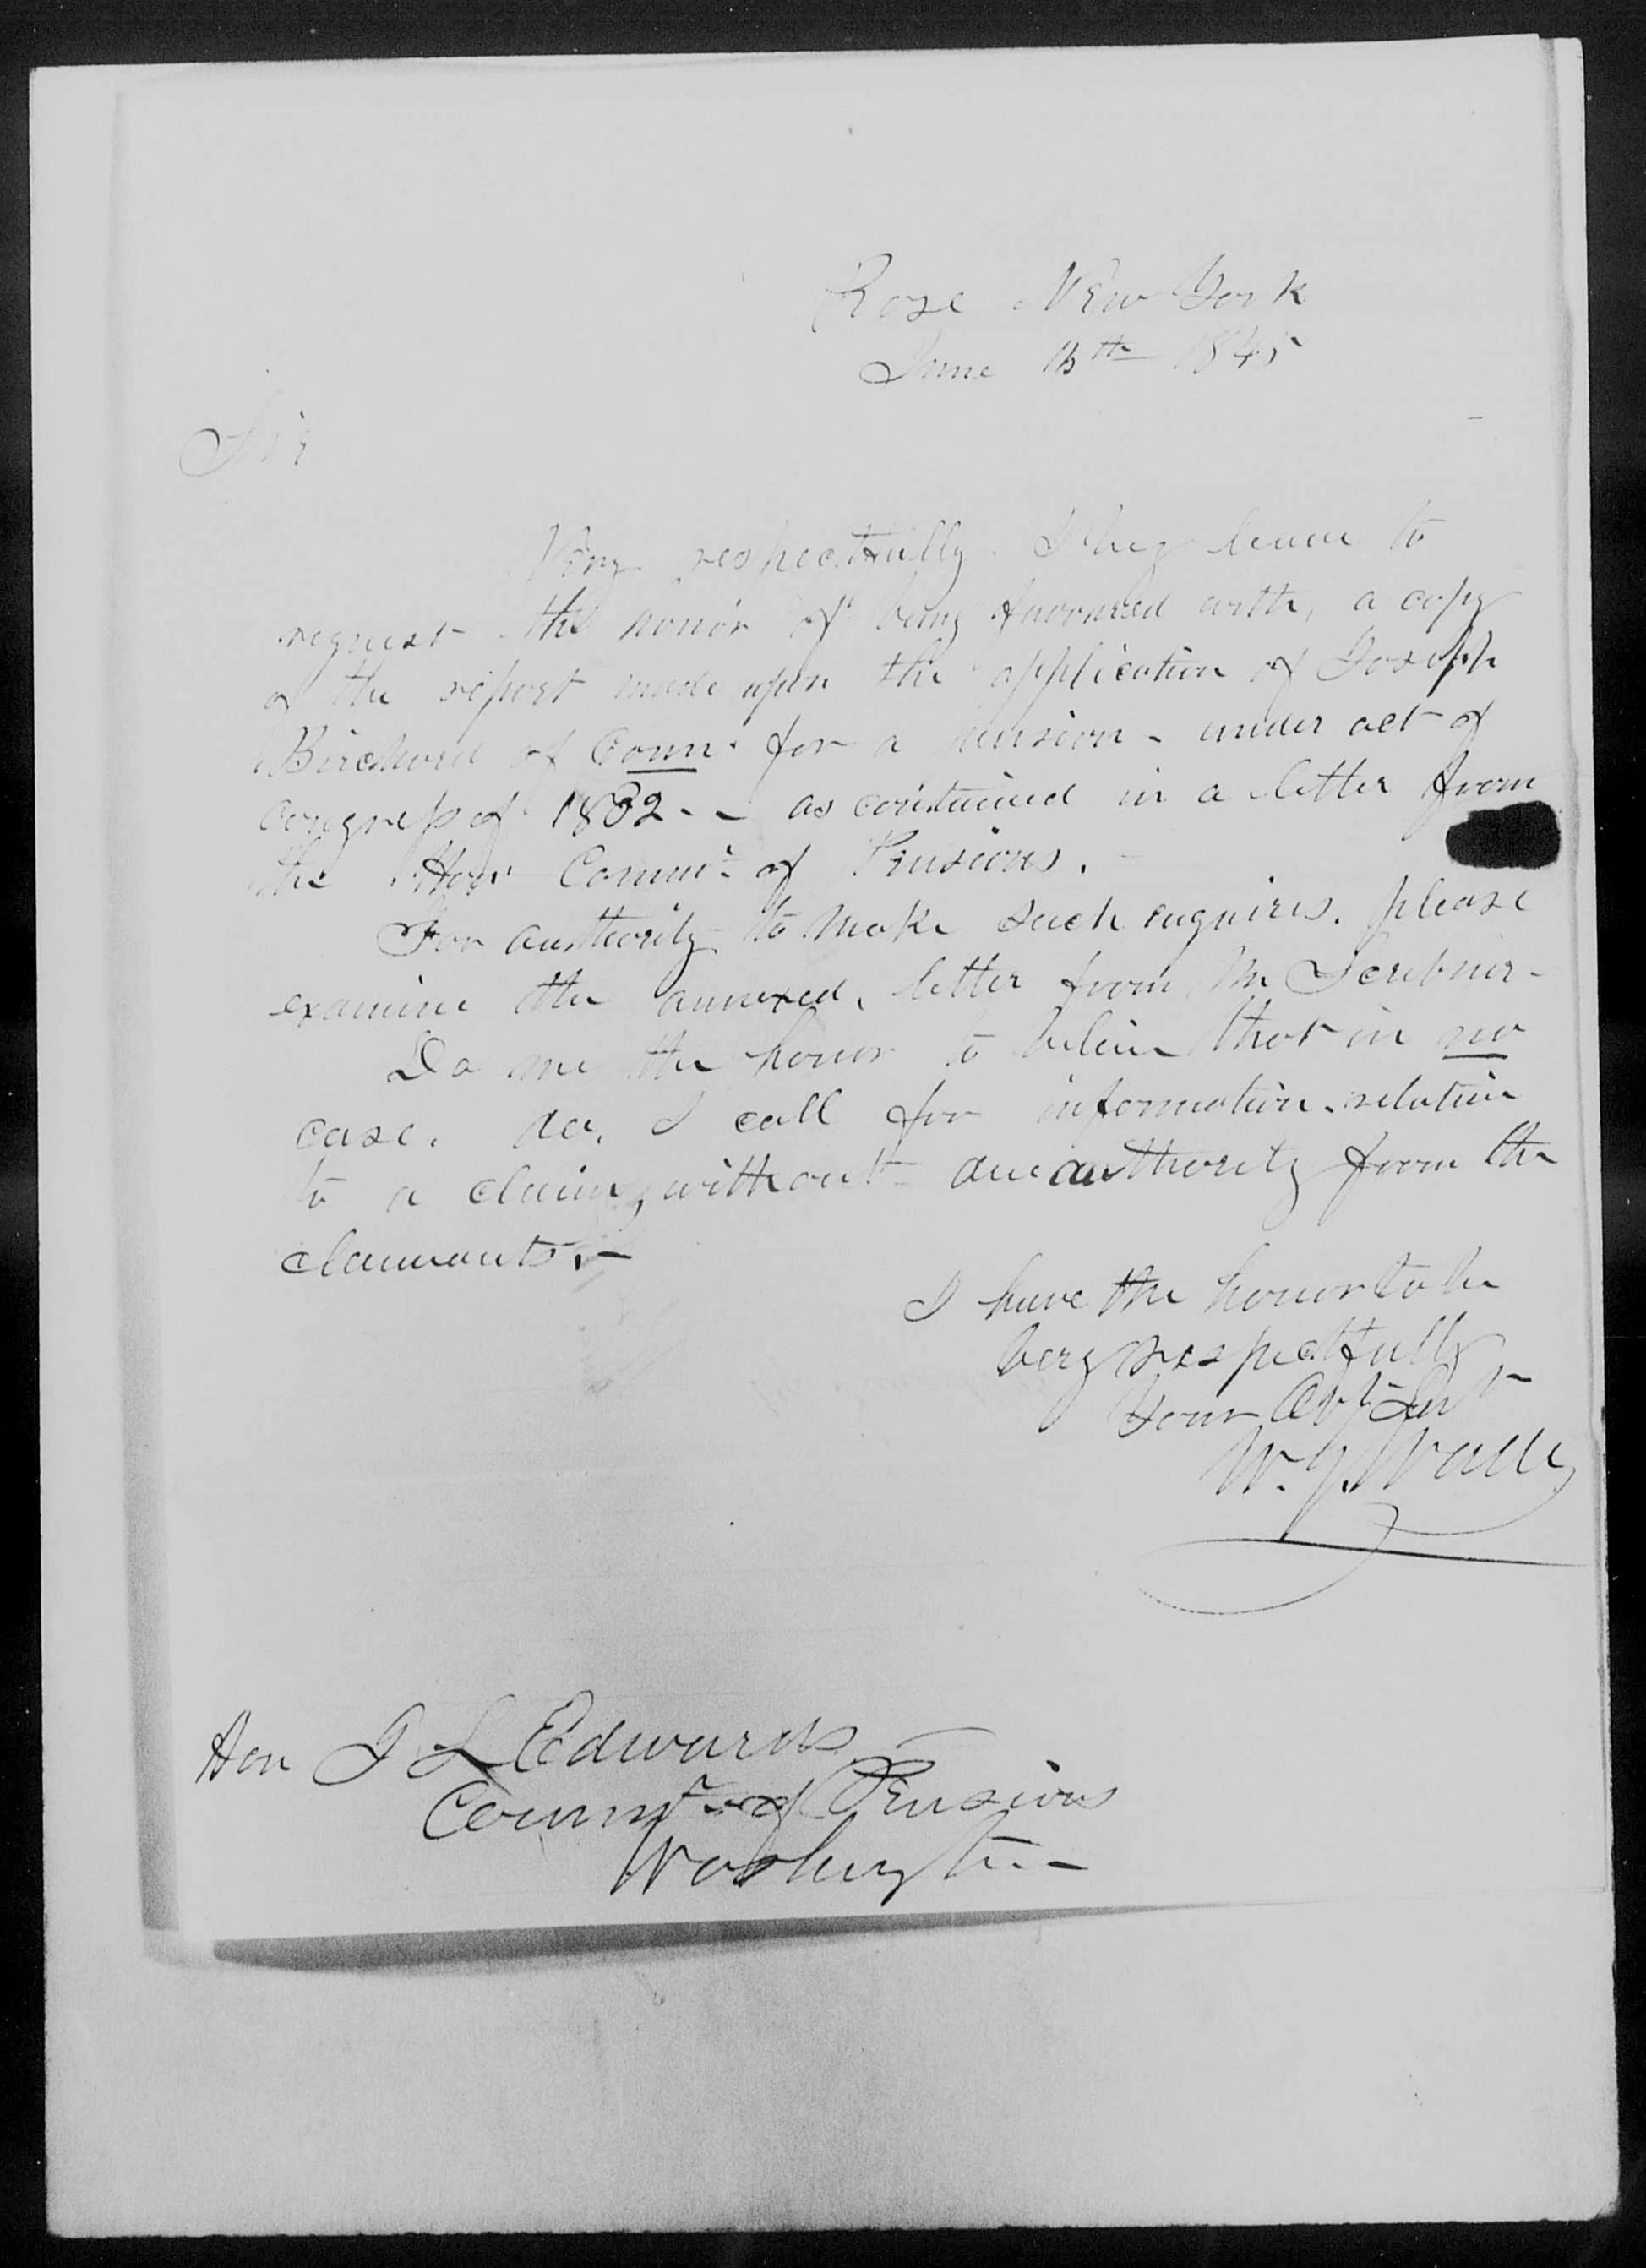Rose, New York
June 15th, 1845

Sir

Very respectfully. I [illegible] to request the honor of being Appeared with  a copy of the request made upon the application of Joseph Birchard of Conn. for a pension under the act of Congress of 1832. as continued in a letter sworn the Hon. Commissioner of Pensions.

For authority to make such requests, please examine the annexed letter from M. Serbnoir Da me the honor to [illegible] therein our case. So I call for information relating to a claim without authority from the claimants.
I have the honor to be 
very respectfully 
Your Obedient Servant
W.J. Wade

Hon. J.L. Edwards
Commissioner of Pensions
Washington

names: W G Wade, J L Edwards, Joseph Birchard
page: 13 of 18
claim: rejected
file: R. 844, Joseph Birchard, Conn.